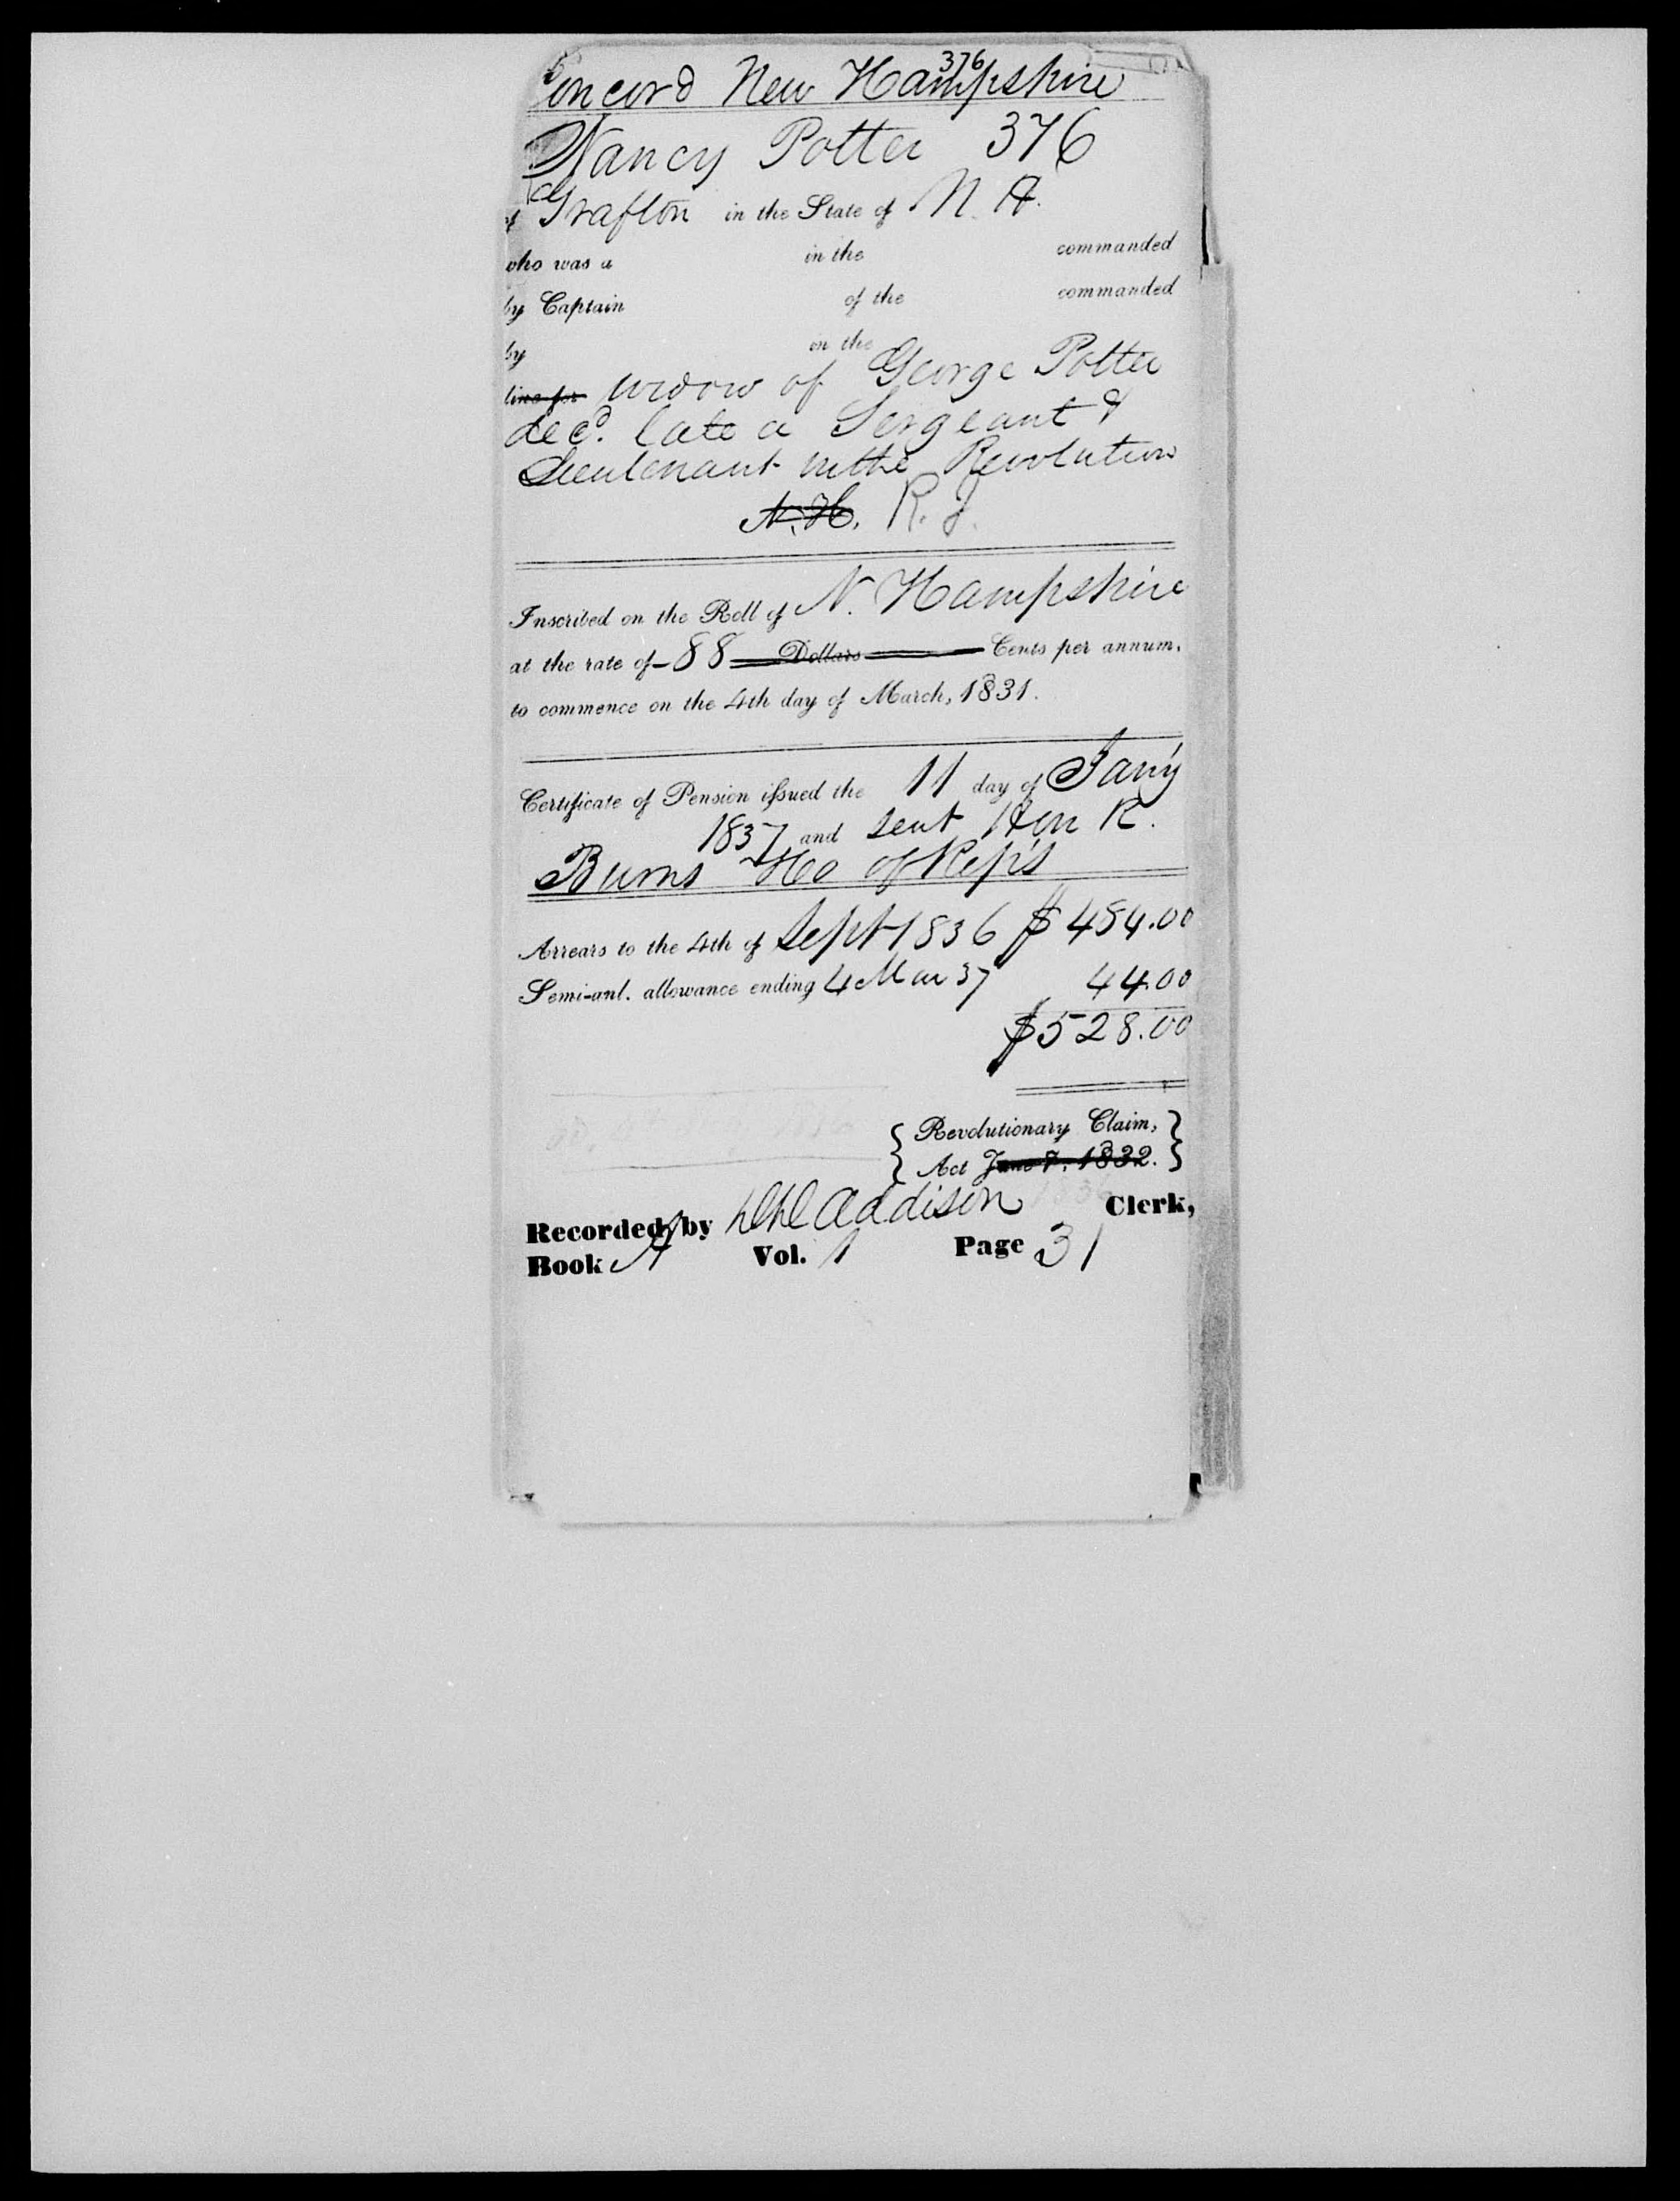Concord New Hampshire
Nancy Potter 376
of Grafton in the State of N.H. 
who was a       in the          commanded
by Captain       of the          commanded
by         on the          
widow of George Potter deceased late a Sargeant & Lieutenant with the Revolution R.I.
--------------
Inscribed on the roll of N. Hampshire at the qrate of 88 per annum to commence on the 4th day of March 1831.
-------------
Certificate of Pension issued the 11 day of Jan'y 1837 and sent  [illegible]
---------
Arrears to the 4th of Sept 1836  $484.00
Semi-annual allowance ending 4 Mar 37 44,00
$528.00
-----------------
Revolutionary Claim Act
Recorded by D D Addison Clerk
Book A Vol 1 Page 31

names: George Potter; D D Addison; Nancy Potter; R Burns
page: 2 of 40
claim: widow's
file: W. 16058, for George Potter, Rhode Island